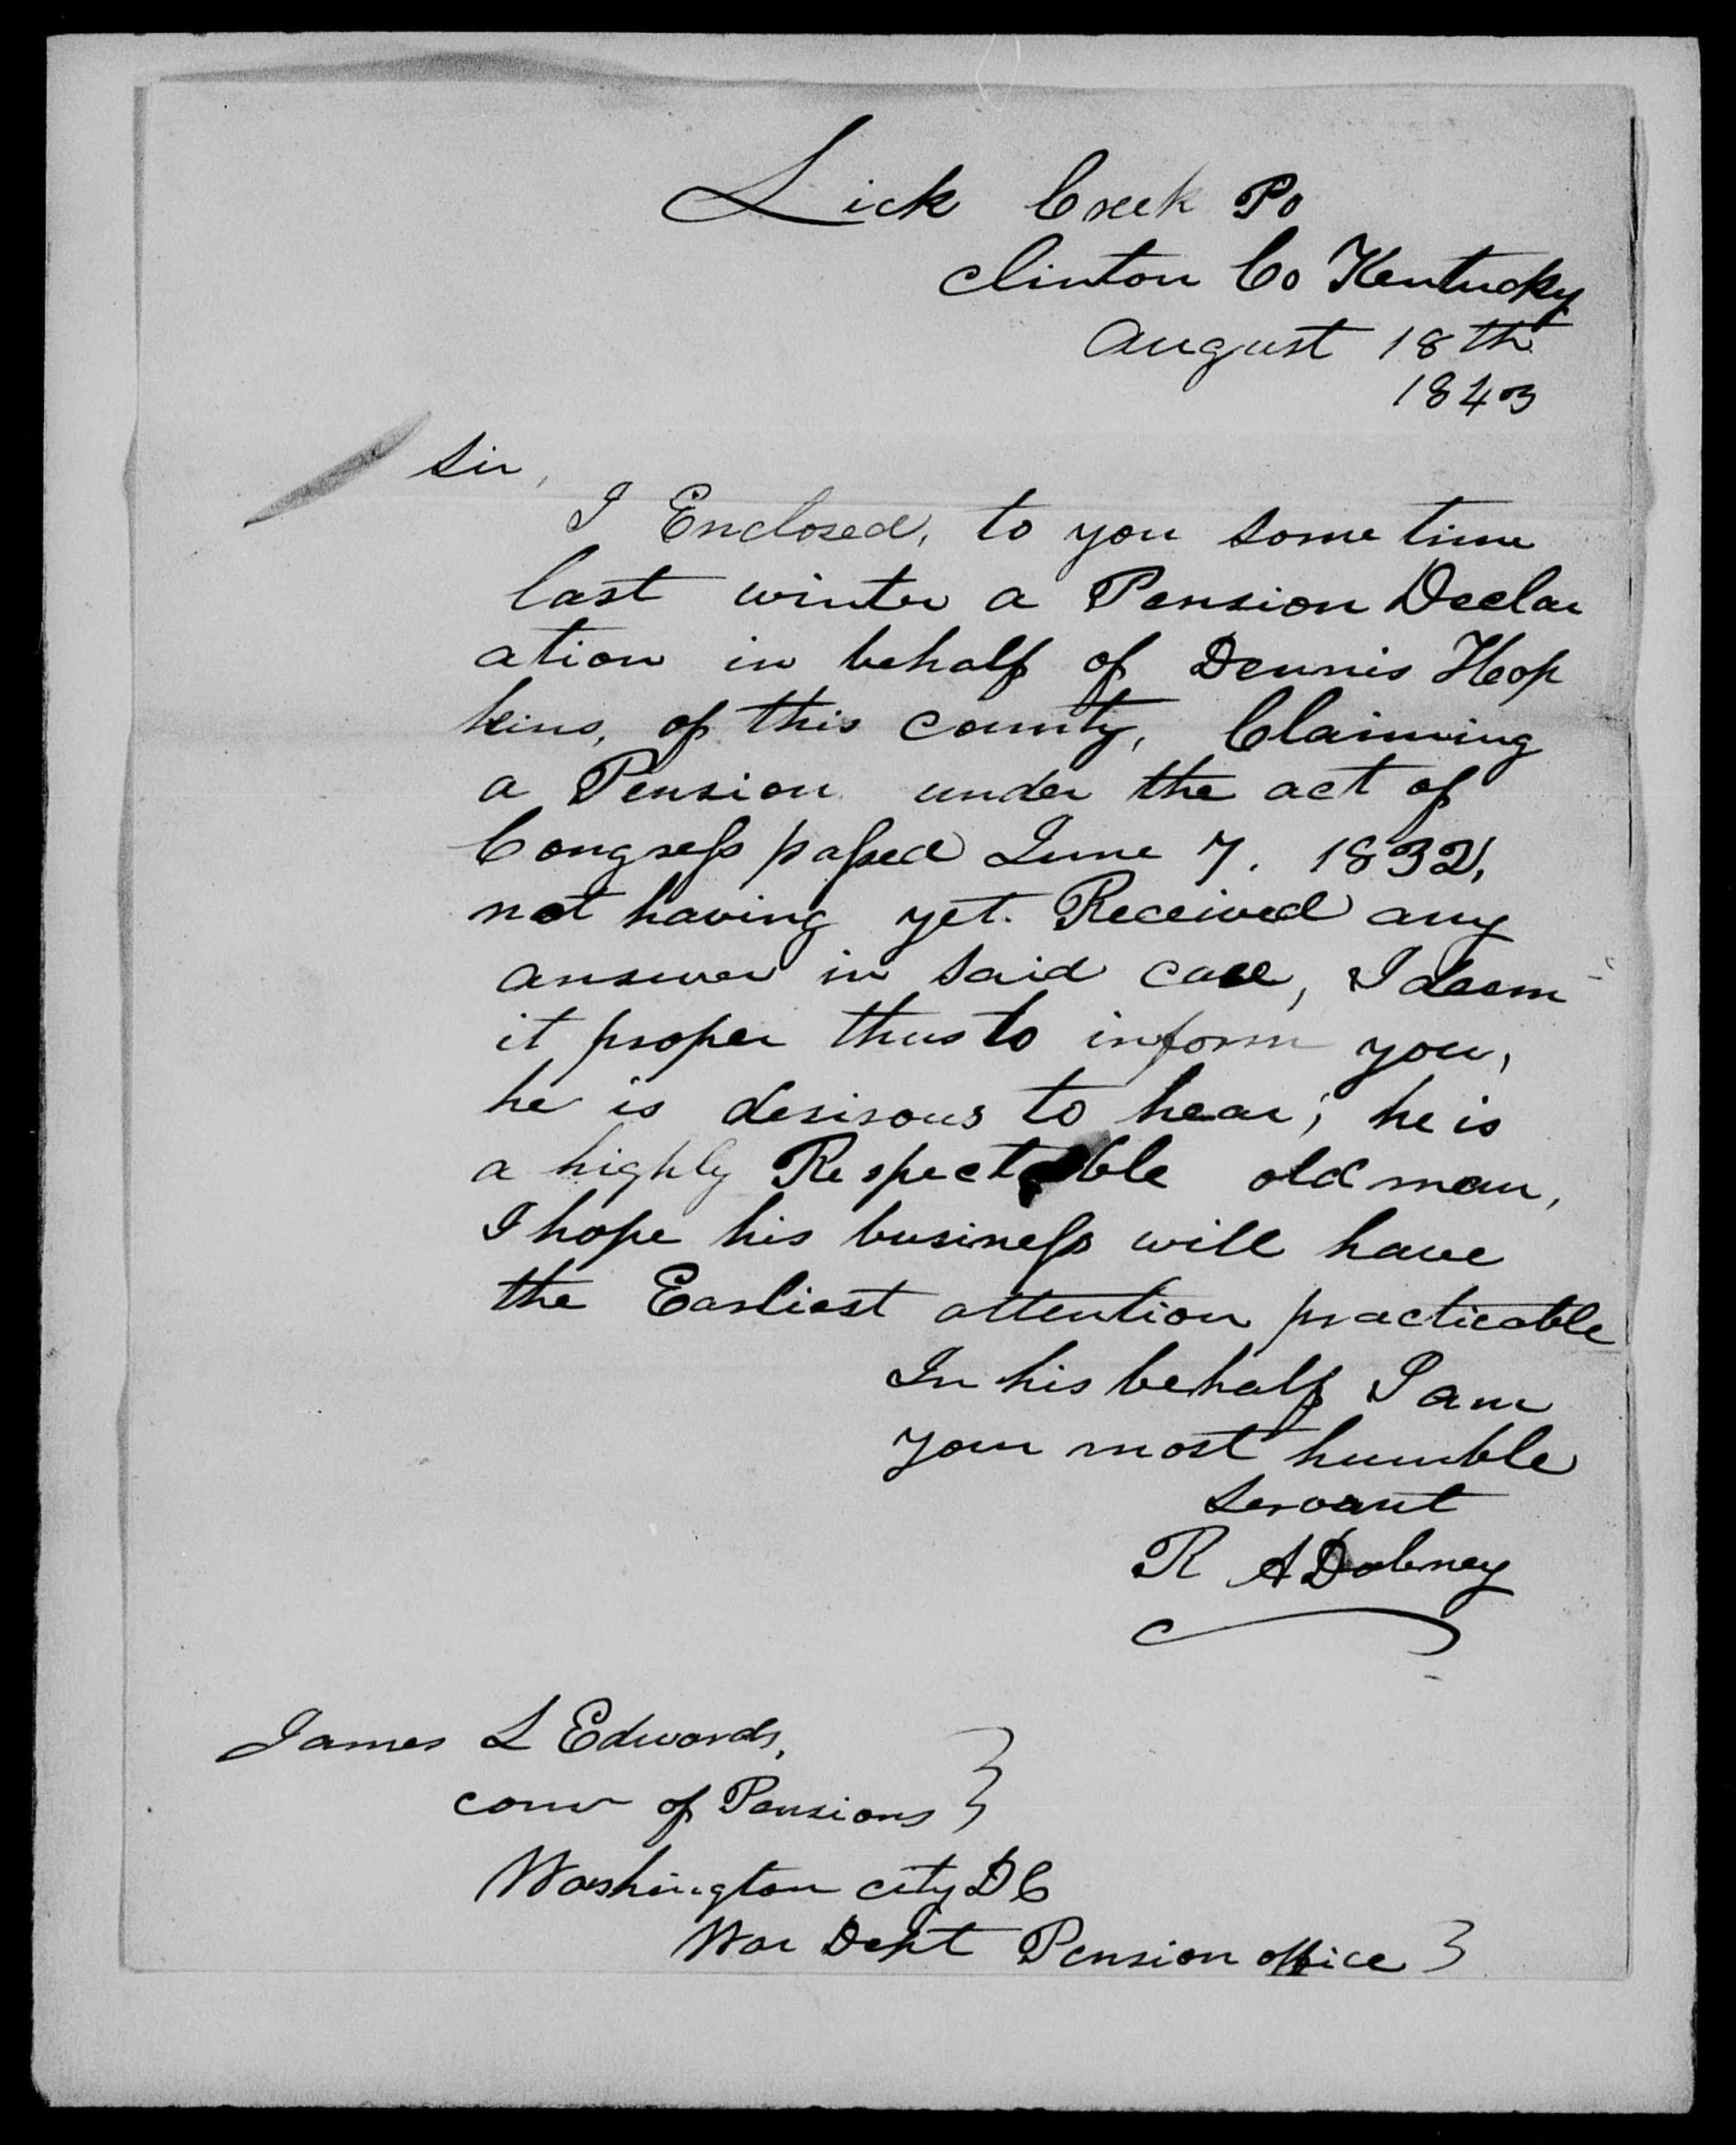Lick Creek PO
Clinton Co Kentucky
August 18th
1843


Sir,
I enclosed, to you some time last winter a Pension Declaration in behalf of Dennis Hopkins, of this County, Claiming a Pension under the act of Congress passed June 7, 1832, not having yet. Received any answer in said case, I deem it proper thus to inform you, he is desirous to hea;, he is a highly respectable old man, I hope his business will have the earliest attention practicable
In his behalf I am
your most humble
Servant
R A Dabney

James L Edwards
Com of Pensions ⎬
Washington City DC
War Dept Pension office⎬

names: James L Edwards, Dennis Hopkins, R A Dabney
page: 37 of 144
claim: rejected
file: R. 5208, Dennis Hopkins, N.C.